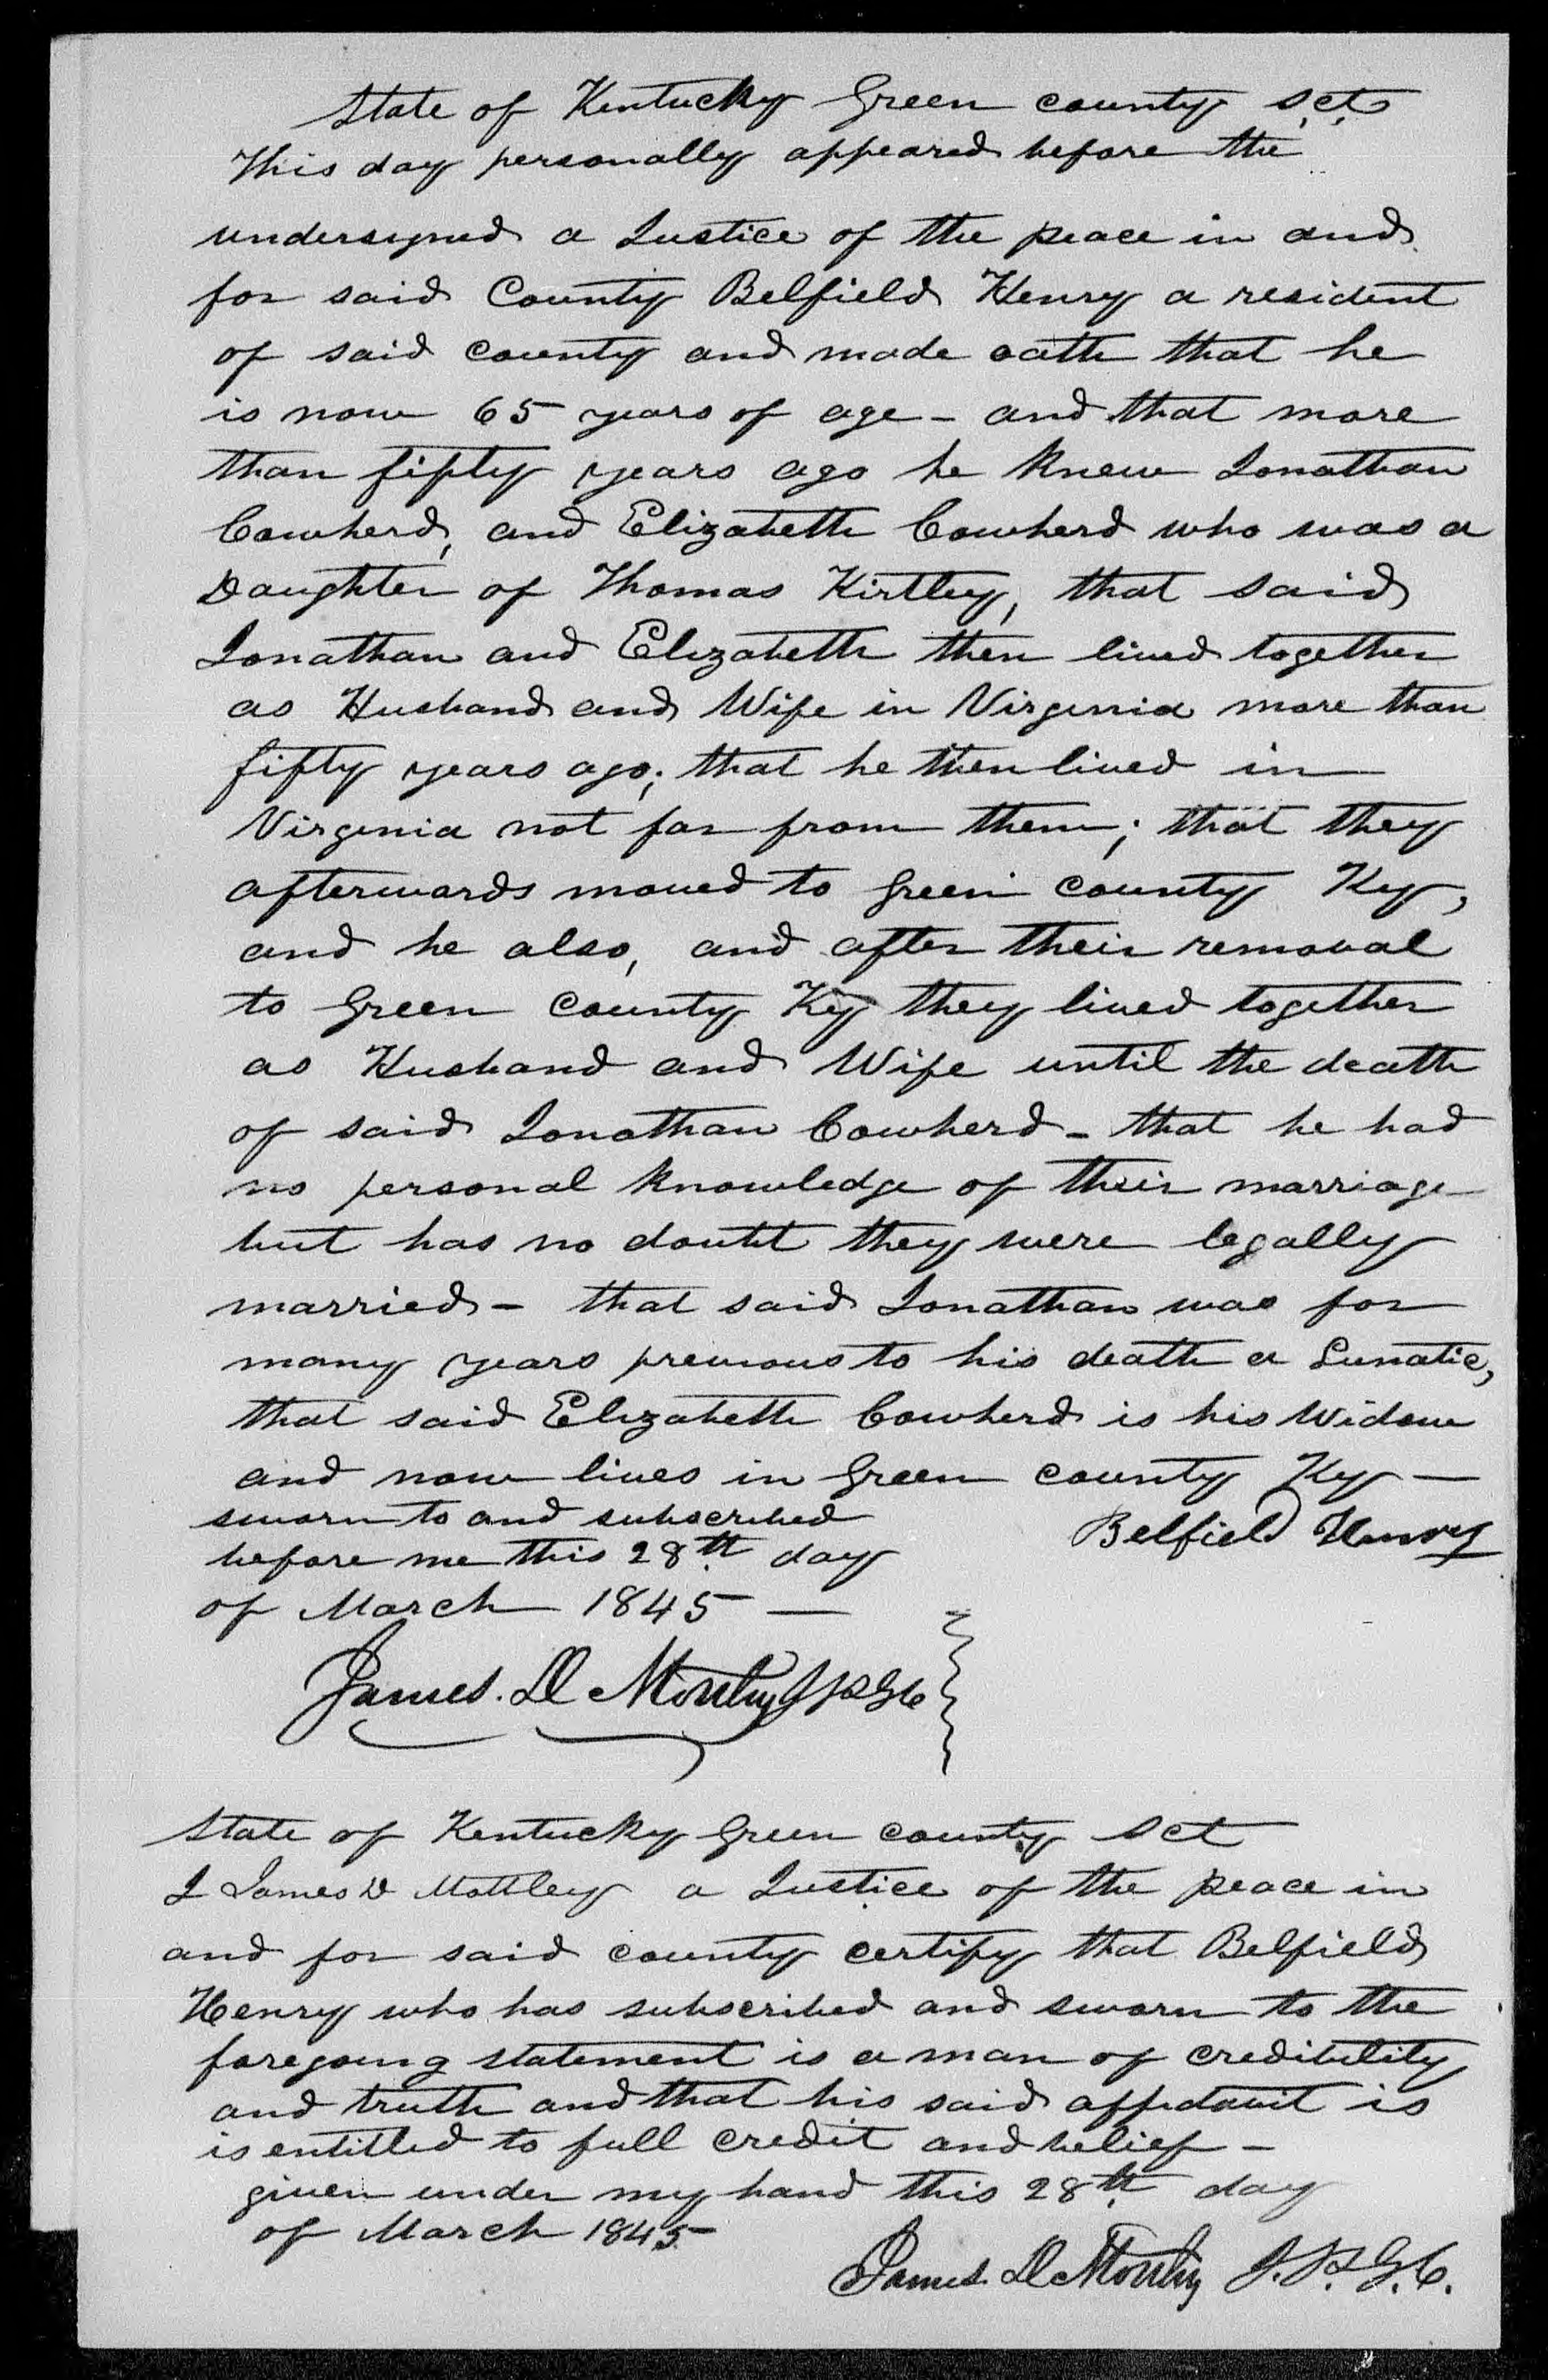State of Kentucky Green County Oct
This day personally appeared before the
undersigned a Justice of the peace in and
for said County Belfield Henry a resident
of said County and made oath that he
is now 65 years of age, and that more than
fifty years ago he knew Jonathan
Cowherd and Elizabeth Cowherd who was a
Daughter of Thomas Kirtley, that said
Jonathan and Elizabeth then lived together
as Husband and wife in Virginia more than
fifty years ago; that he then lived in
Virginia not far from them; that they
afterwards moved to Green County Ky
and he also, and after their removal
to Green County Ky they lived together
as Husband and wife until the death
of said Jonathan Cowherd that he had
no personal knowledge of their marriage
but has no doubt they were legally
married - that said Jonathan was for
many years previous to his death a Lunatic,
that said Elizabeth Cowherd is his widow
and now lives in Green County Ky.
sworn to and subscribed
before me this 28th day
of March 1845
Belfield Henry
James D. Mottley J.P.G.C.
State of Kentucky Green County Act
I James D Mottley a Justice of the peace in
and for said County certify that Belfield
Henry who has subscribed and sworn to the
foregoing statement is a man of credibility
and truth and that his said affidavit is
is entitled to full credit and belief -
given under my hand this 28th day
of March 1845
James D Monty J.P.G.C.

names: James D Mottley, Elizabeth Cowherd, James D Mottley, Jonathan Cowherd, Belfield Henry, Belfield Henry, Elizabeth, Belfield Henry, Elizabeth Cowherd, Jonathan, James D Mottley, Jonathan Cowherd, Jonathan, Thomas Kirtley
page: 44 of 46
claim: widow's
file: W 8619, Jonathan Cowherd, Va.